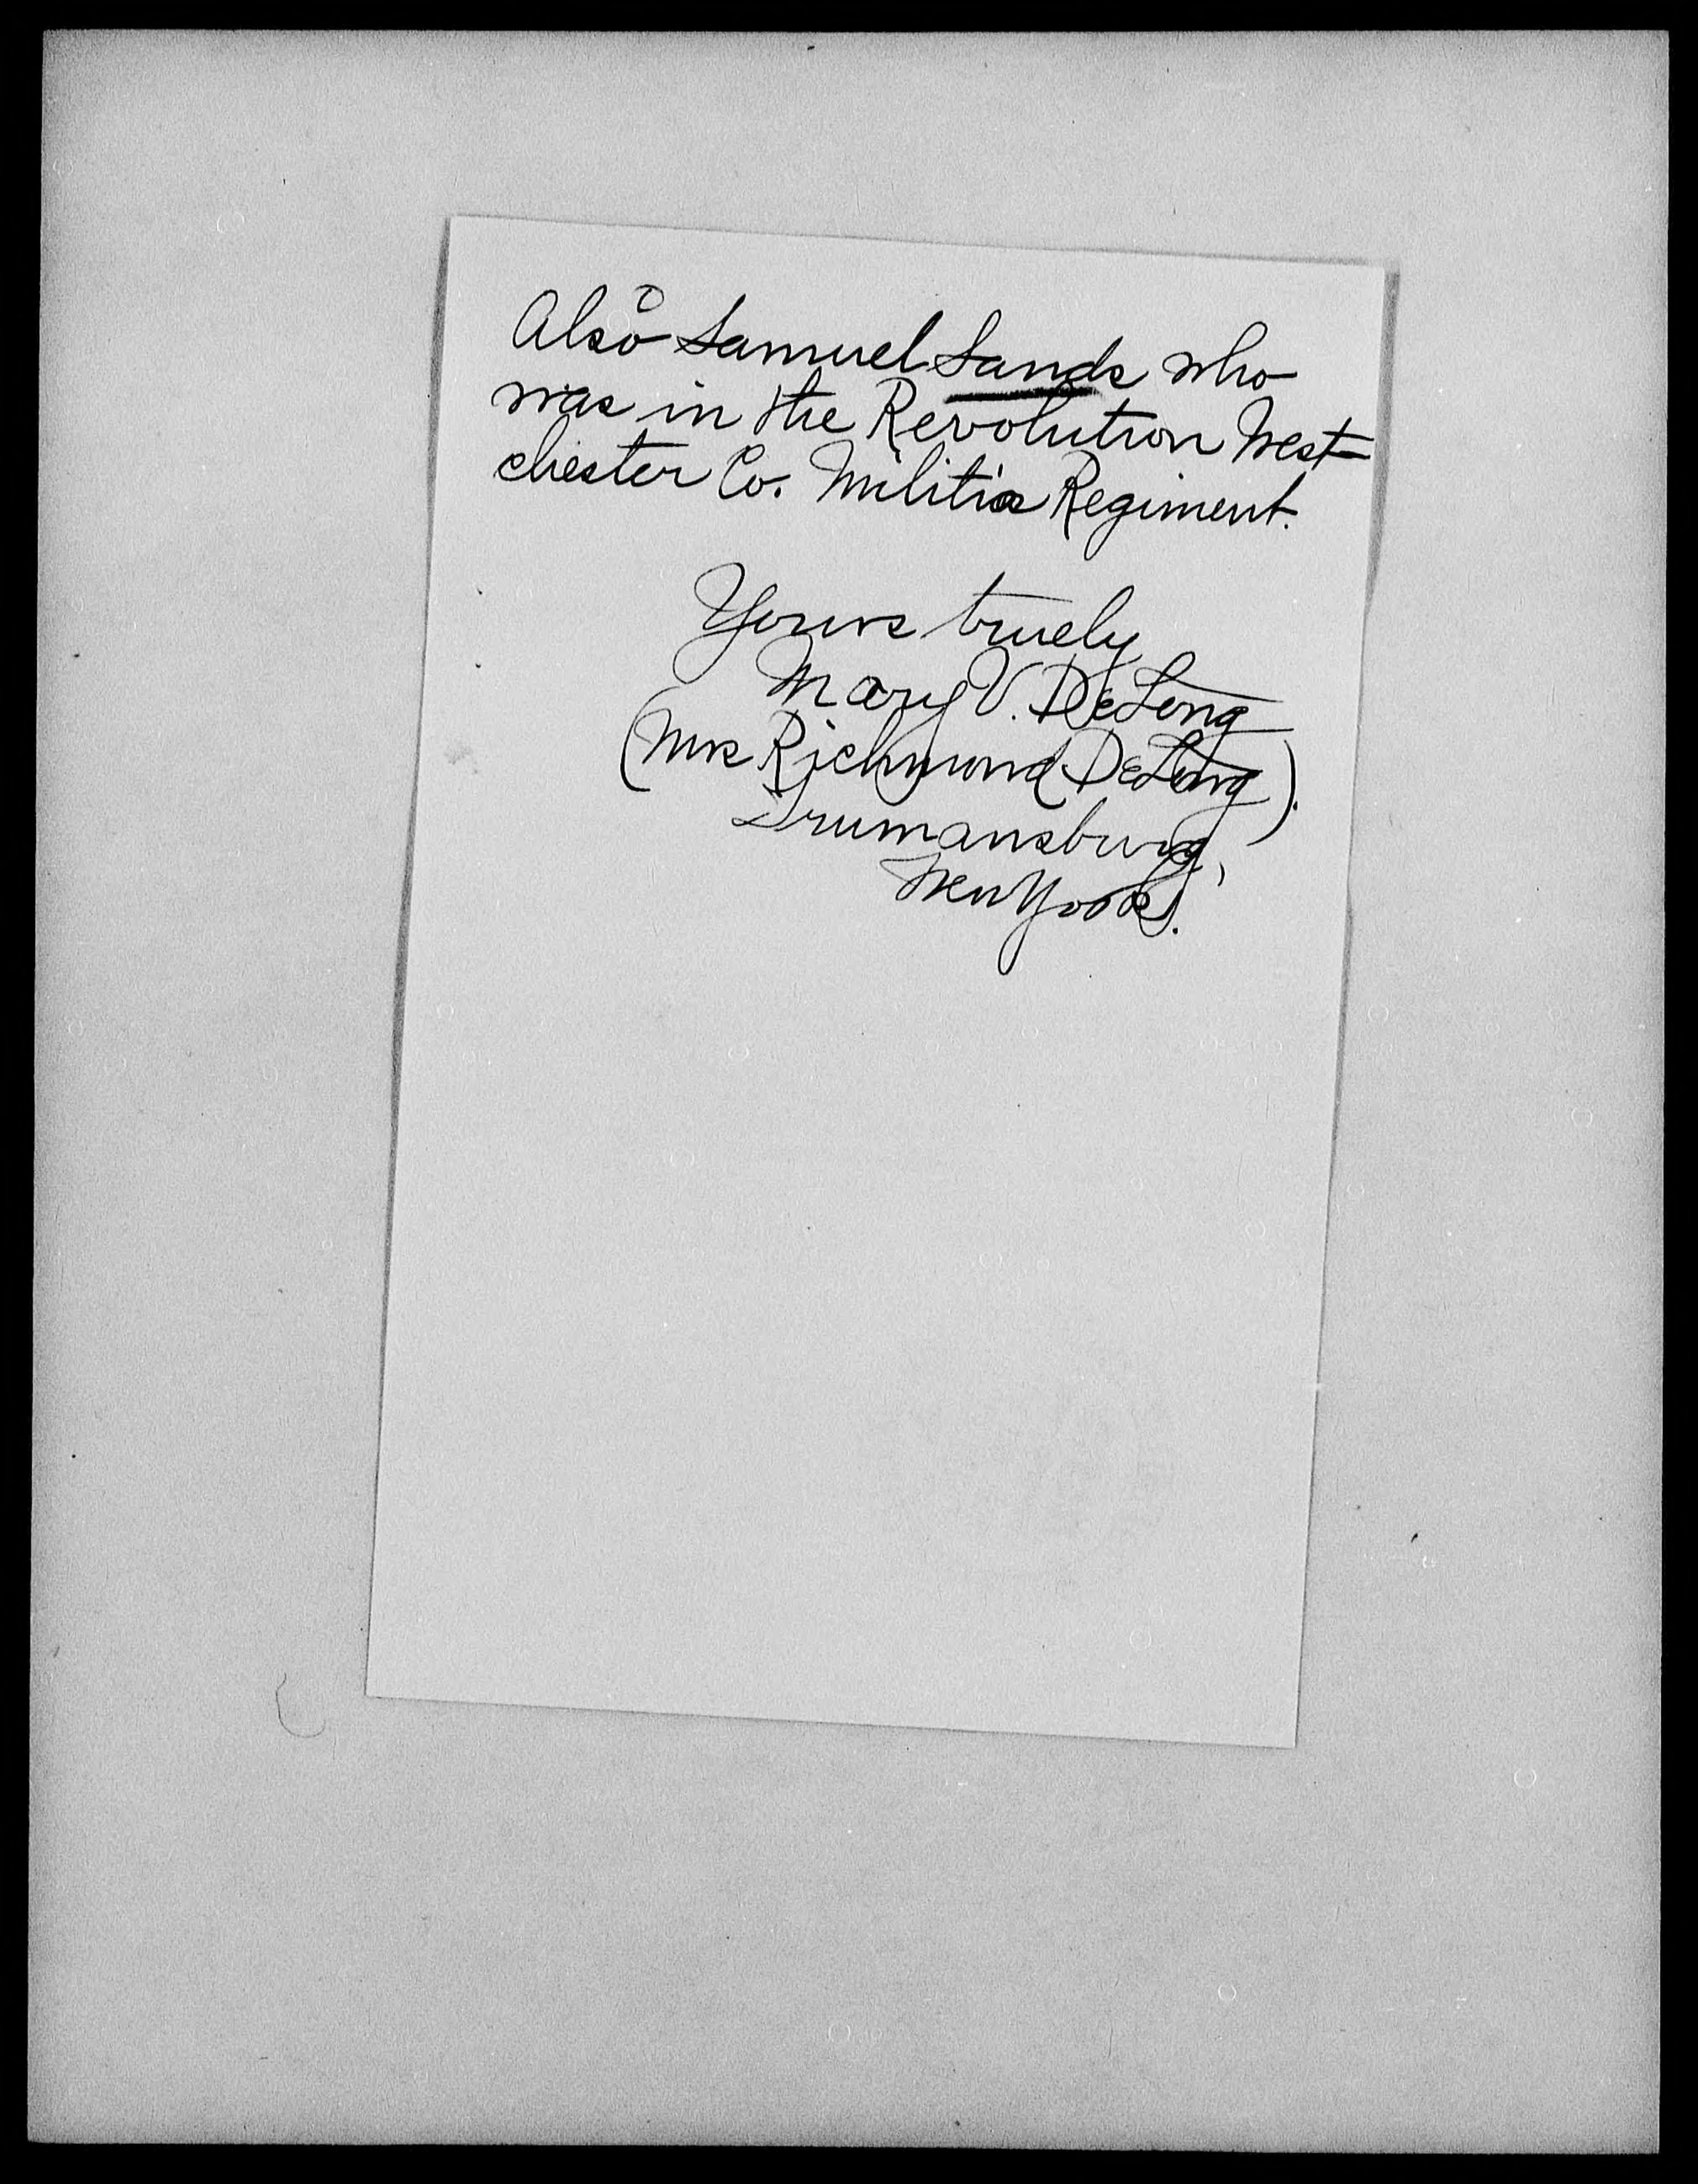Also, Samuel Sands who was in the Revolution Manchester Co Militia Regiment.

Yours truly,

Mary V DeLong
(Mrs Richmond DeLong)

Trumansburg, New York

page: 17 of 19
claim: survivor's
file: S. 40,146, for Robert Mc Laughlin, Pennsylvania